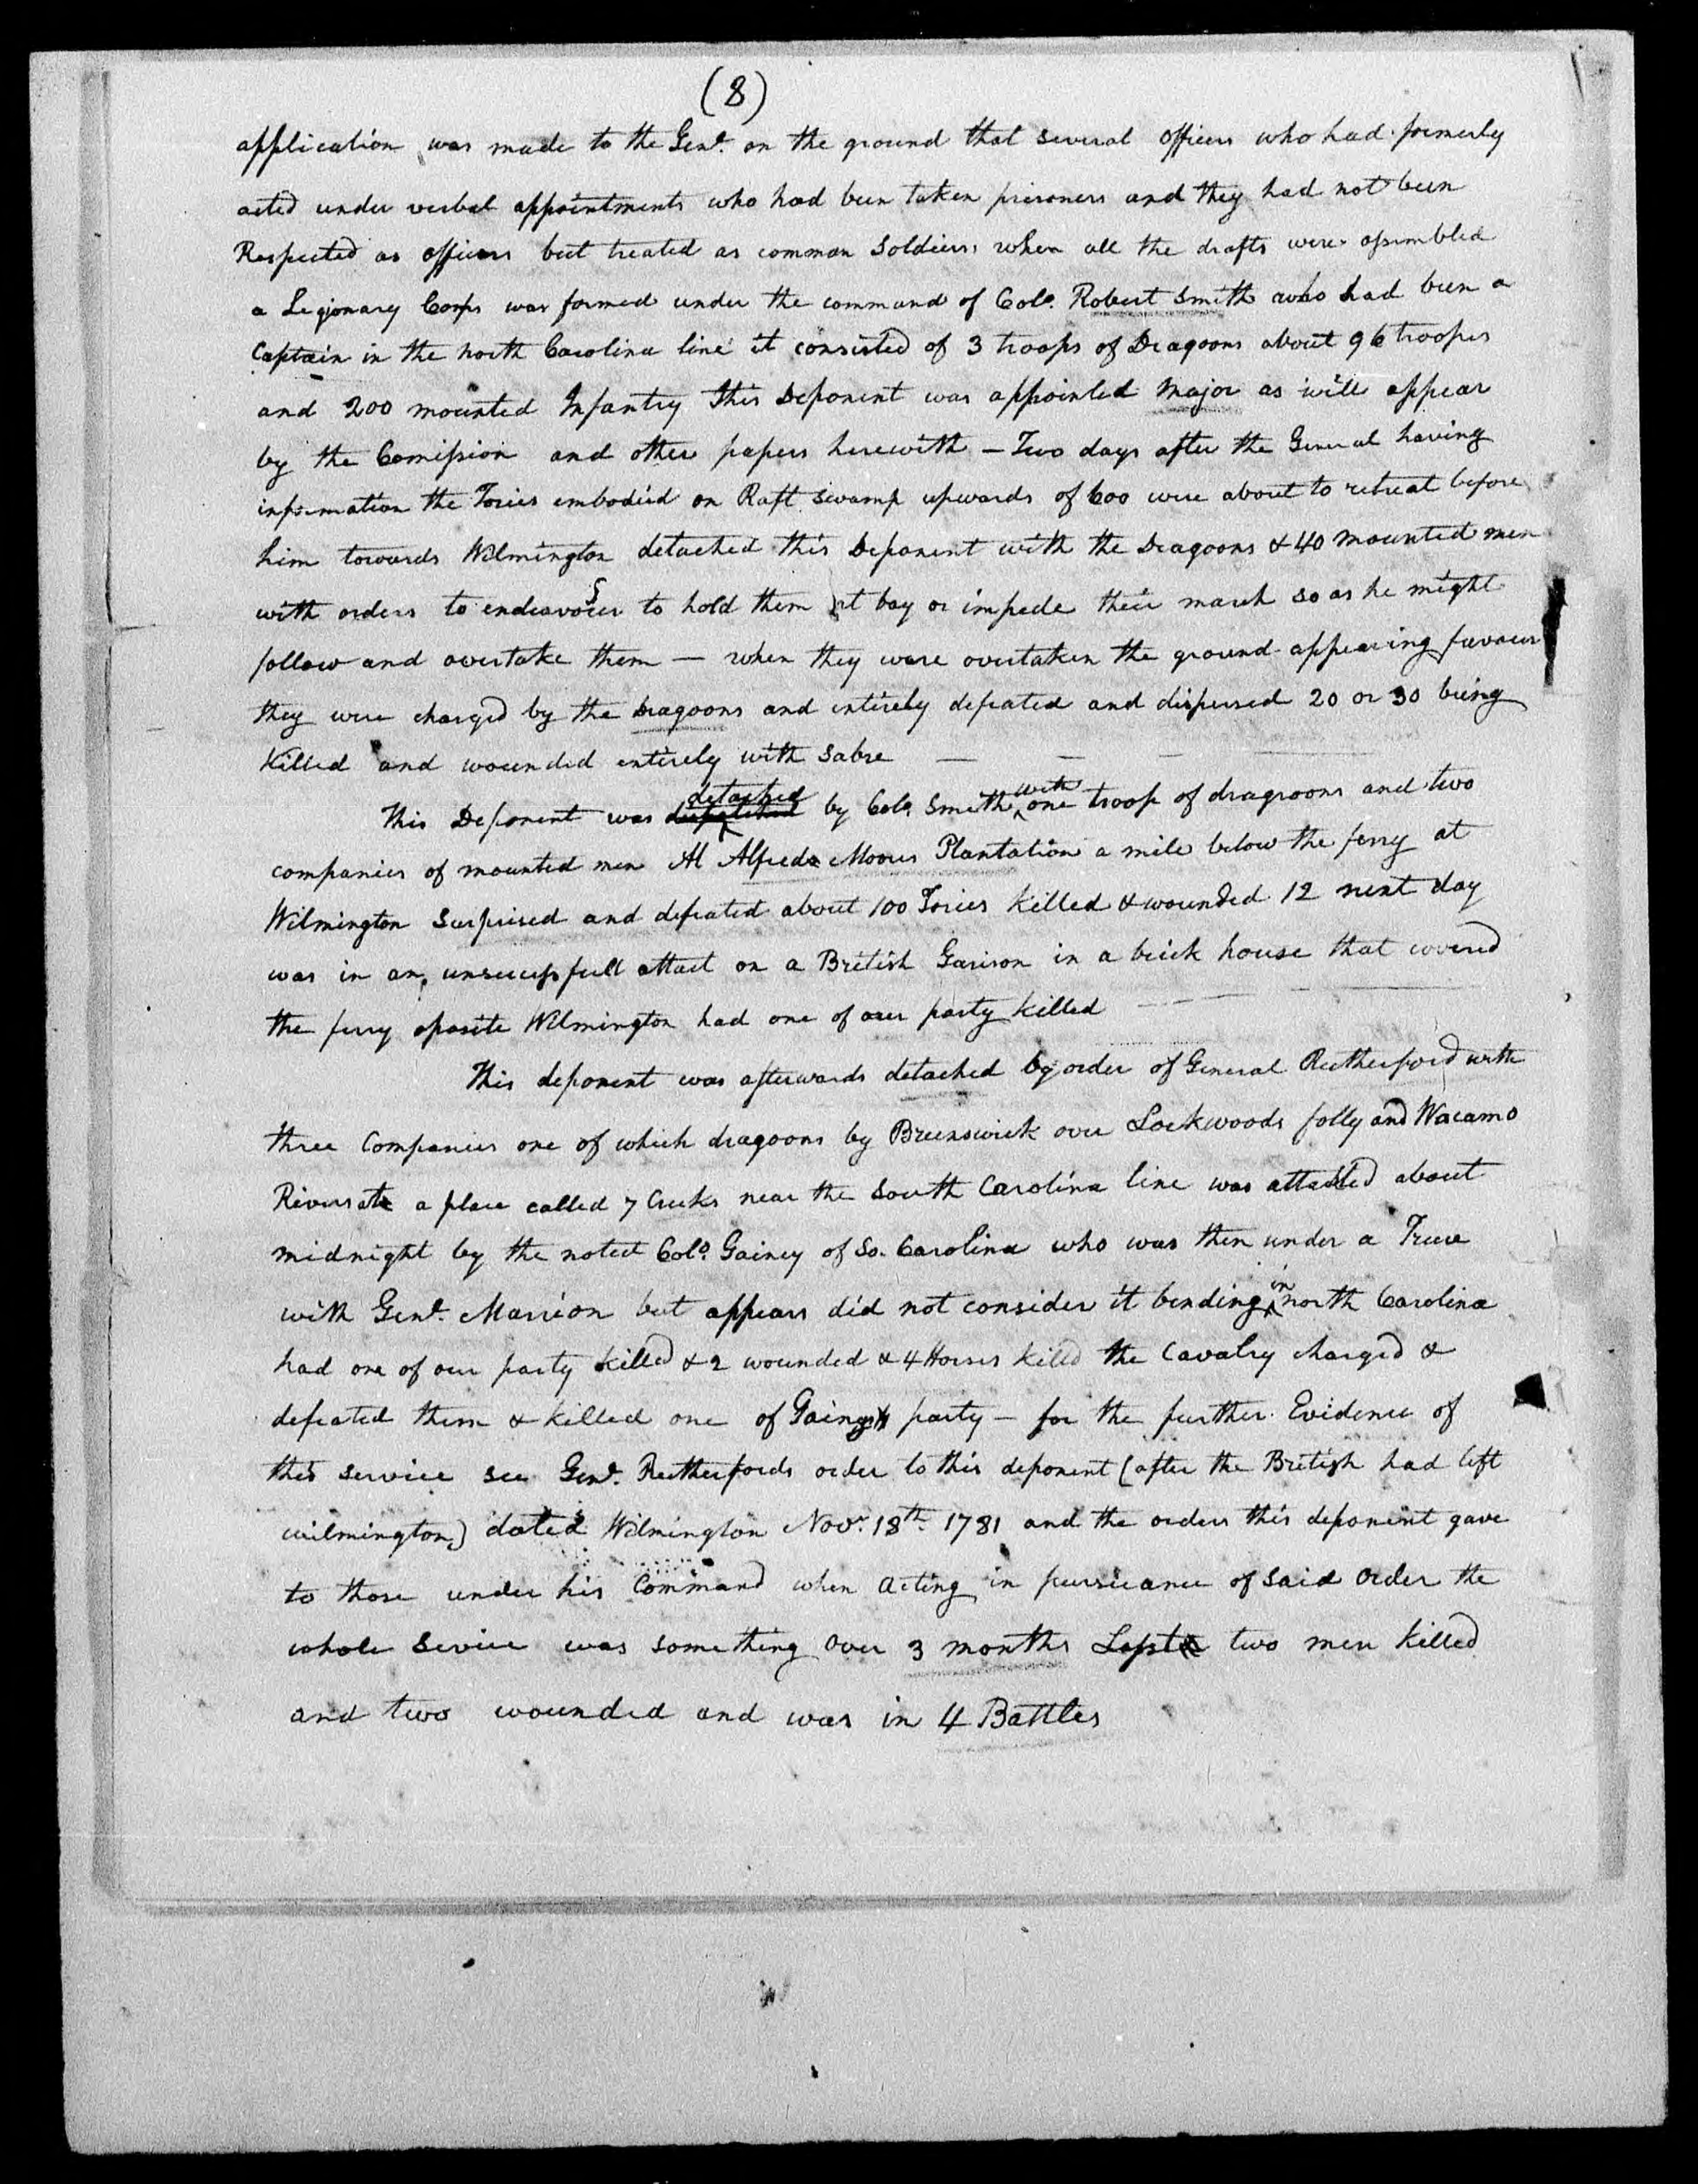(8)
application was made to the Gen'l. on the ground that several officers who had formerly acted under verbal appointments who had been taken prisoners and they had not been respected as officers but treated as common soldieres when all the drafts were assembled a Legionary Corps was formed under the command of Col. Robert Smith who had been a Captain in the North Carolina line it consisted of 3 troops of Dragoons about 96 troops and 200 mounted Infantry this Deponent was appointed Major as will appear by the Commission and other papers herewith - Two days after the General having information the tories embodied on Raft Swamp upwards of 600 were about to retreat before him towards Wilmington detached this Deponent with the Dragoons & 40 mounted men with orders to endeavour to hold them at bay or impede their march so as he might follow and overtake them - when they were overtaken the ground appearing favour they were charged by the Dragoons and entirely defeated and dispersed 20 or 30 being killed and wounded entirely with sabre -------------
This Deponent was detached by Col. Smith with one troop of dragoons and two companies of mounted men Al Alfredo Moore's Plantation a mile below the ferry at Wilmington surprised and defeated about 100 Tories killled & wounded 12 next day was in an unsuccessful attack on a British Garrison in a brick house that covered the ferry opposite Wilmington had one of our party killed --------
This deponent was afterwards detached by order of General Rutherford with three companies one of which dragoons by Brunswick over Lockwoods folly and Wacamo River at a place called 7 Creeks near the South Carolina line was attacked about midnight by the  noted Col. Gainey of So. Carolina who was then under a truce with Gen'l Marrion but appears did not consider it binding in North Carolina had one of our party killed & 2 wounded & 4 horses killed the Cavalry charged  & defeated them & killed one of Gainey's party - for the further Evidence of this service see Gen'l Rutherford's order to this deponent (after the British had left Wilmington) dated Wilmington Nov. 18th 1781 and the orders this deponent gave to those under his command when acting in pursuance of said order the whole servcie was something over 3 months. Lost two men killed and two wounded and was in 4 Battles.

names: Marrion, Smith, Rutherford, Gainey, Robert Smith, Rutherford, Alfred Morris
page: 10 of 55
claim: survivor's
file: S. 6,937, Joseph Graham, N.C.